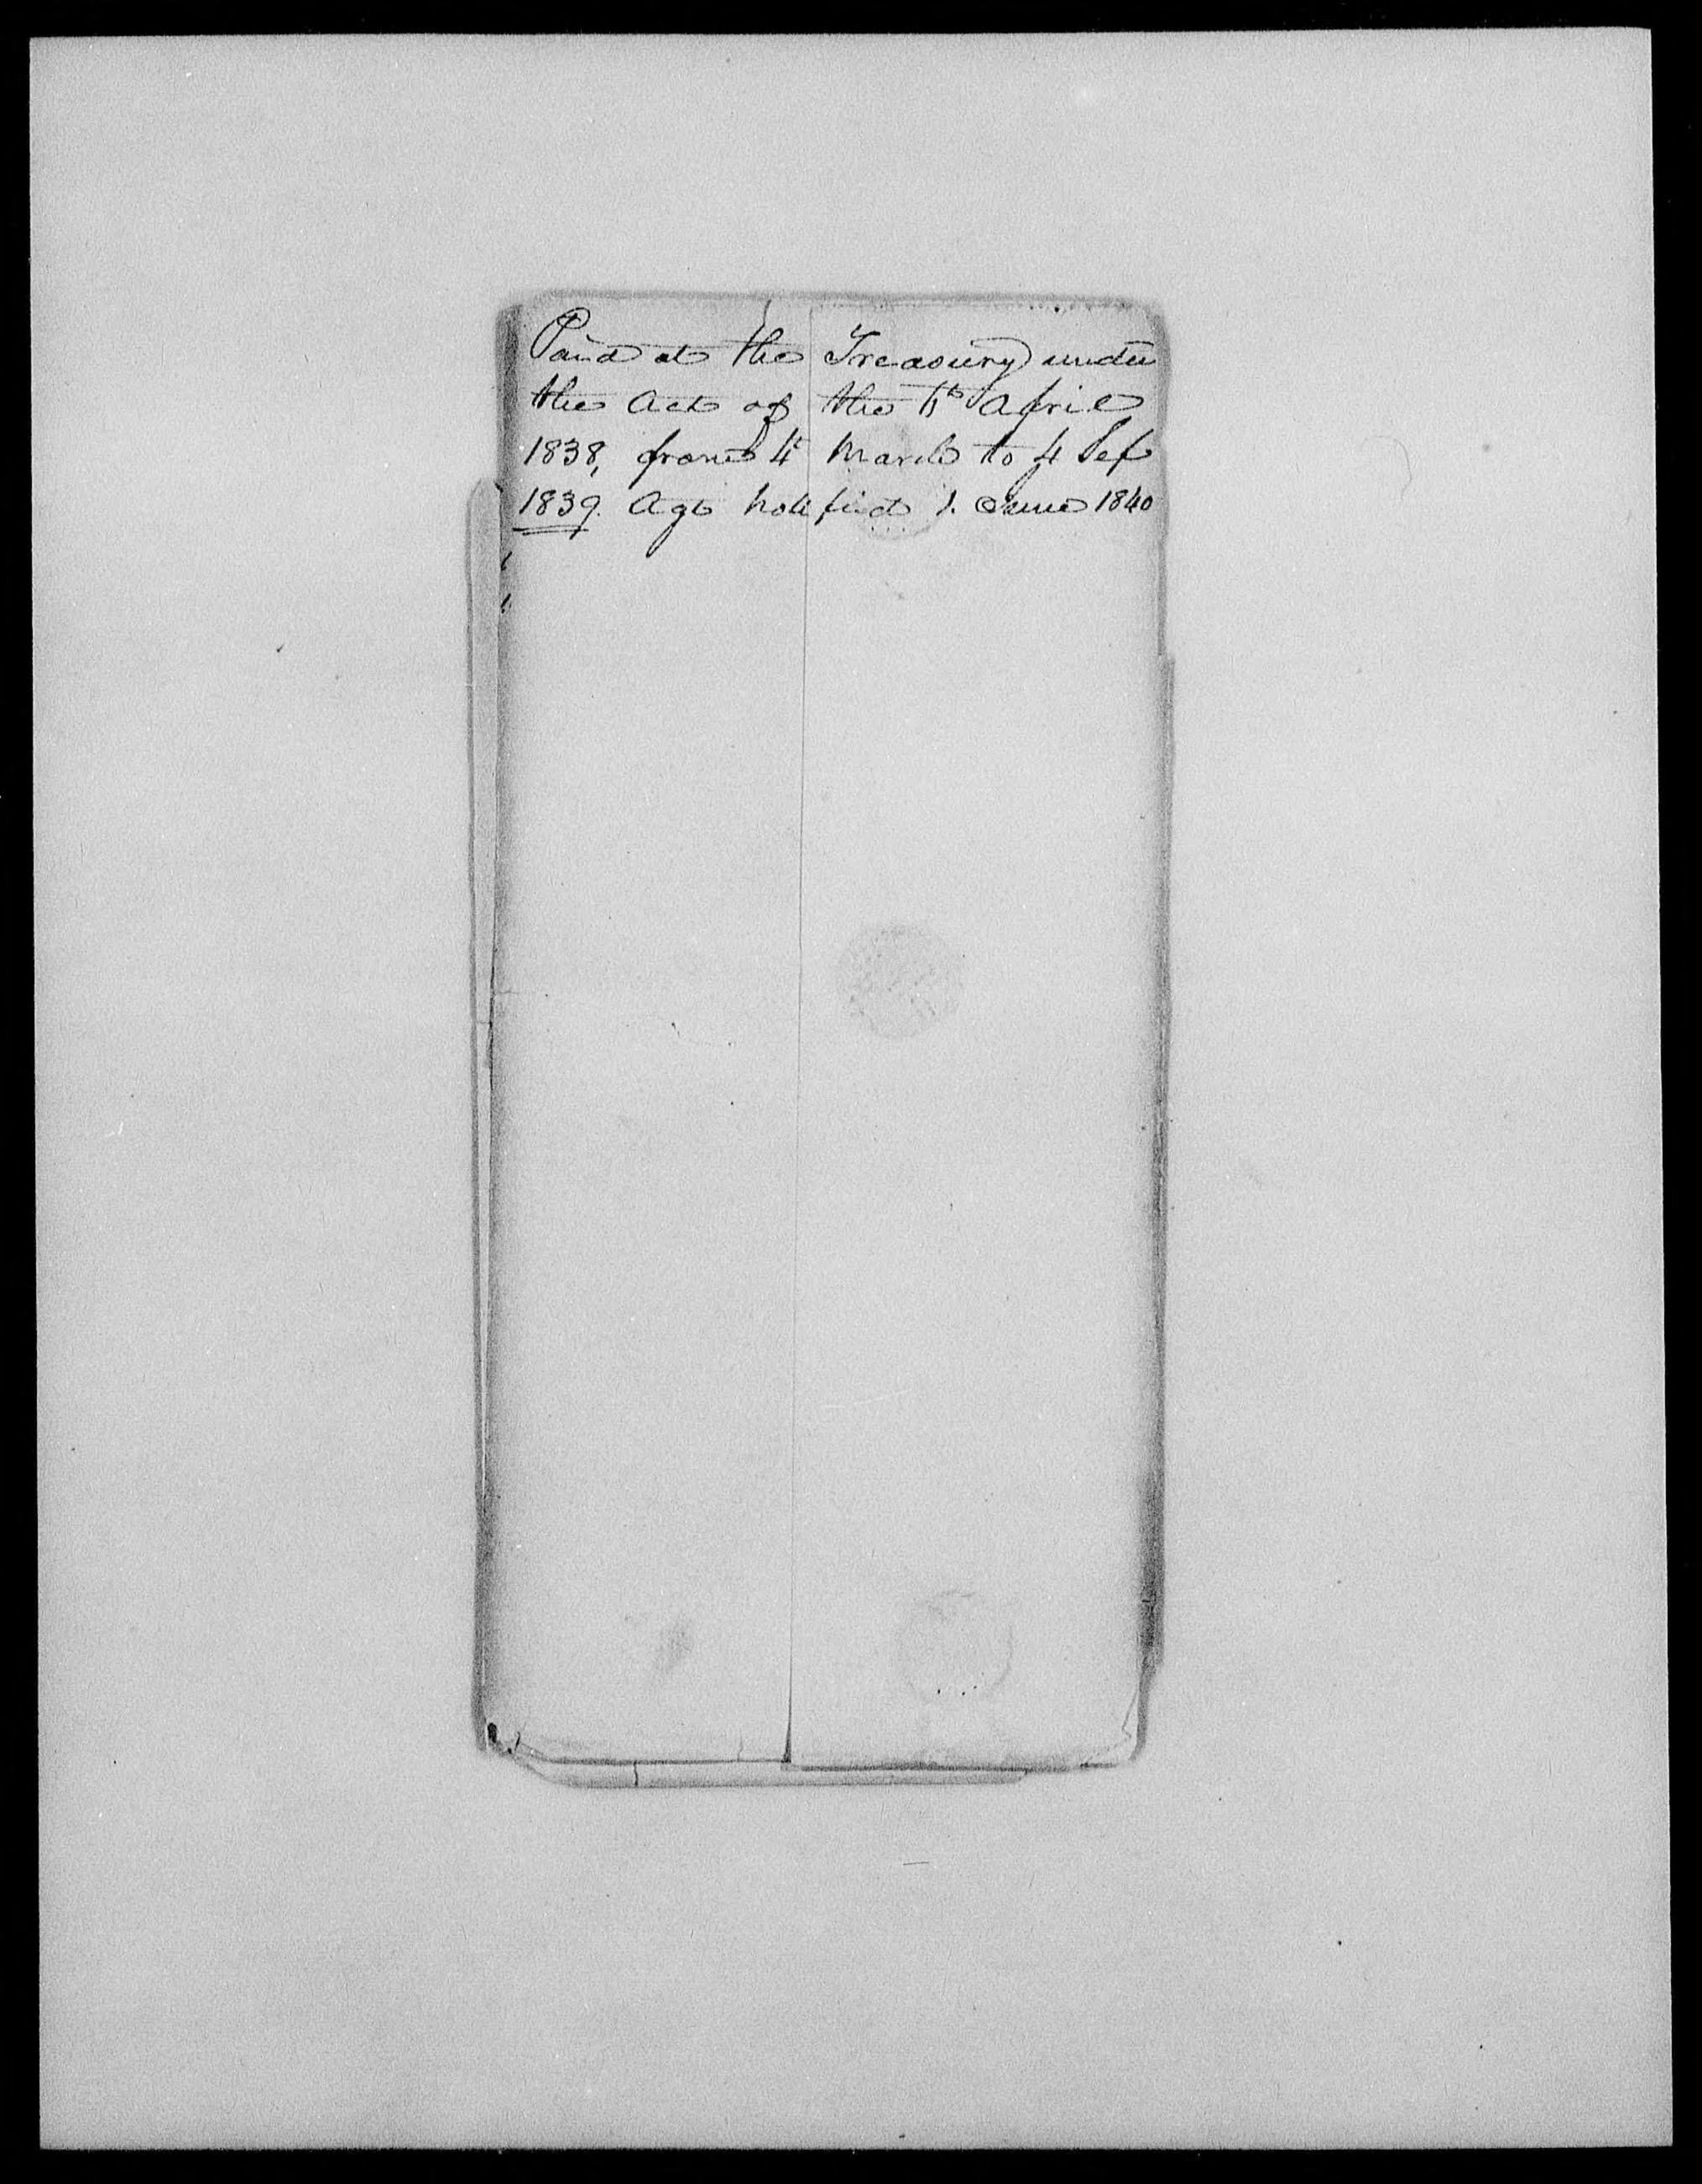Paid at the Treasury under the act of the 7th april 1838 drawn 4th March to 4 Sep 1839. Agt holified 1 June 1840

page: 3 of 28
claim: survivor's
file: S. 21844, for Samuel Jones, South Carolina